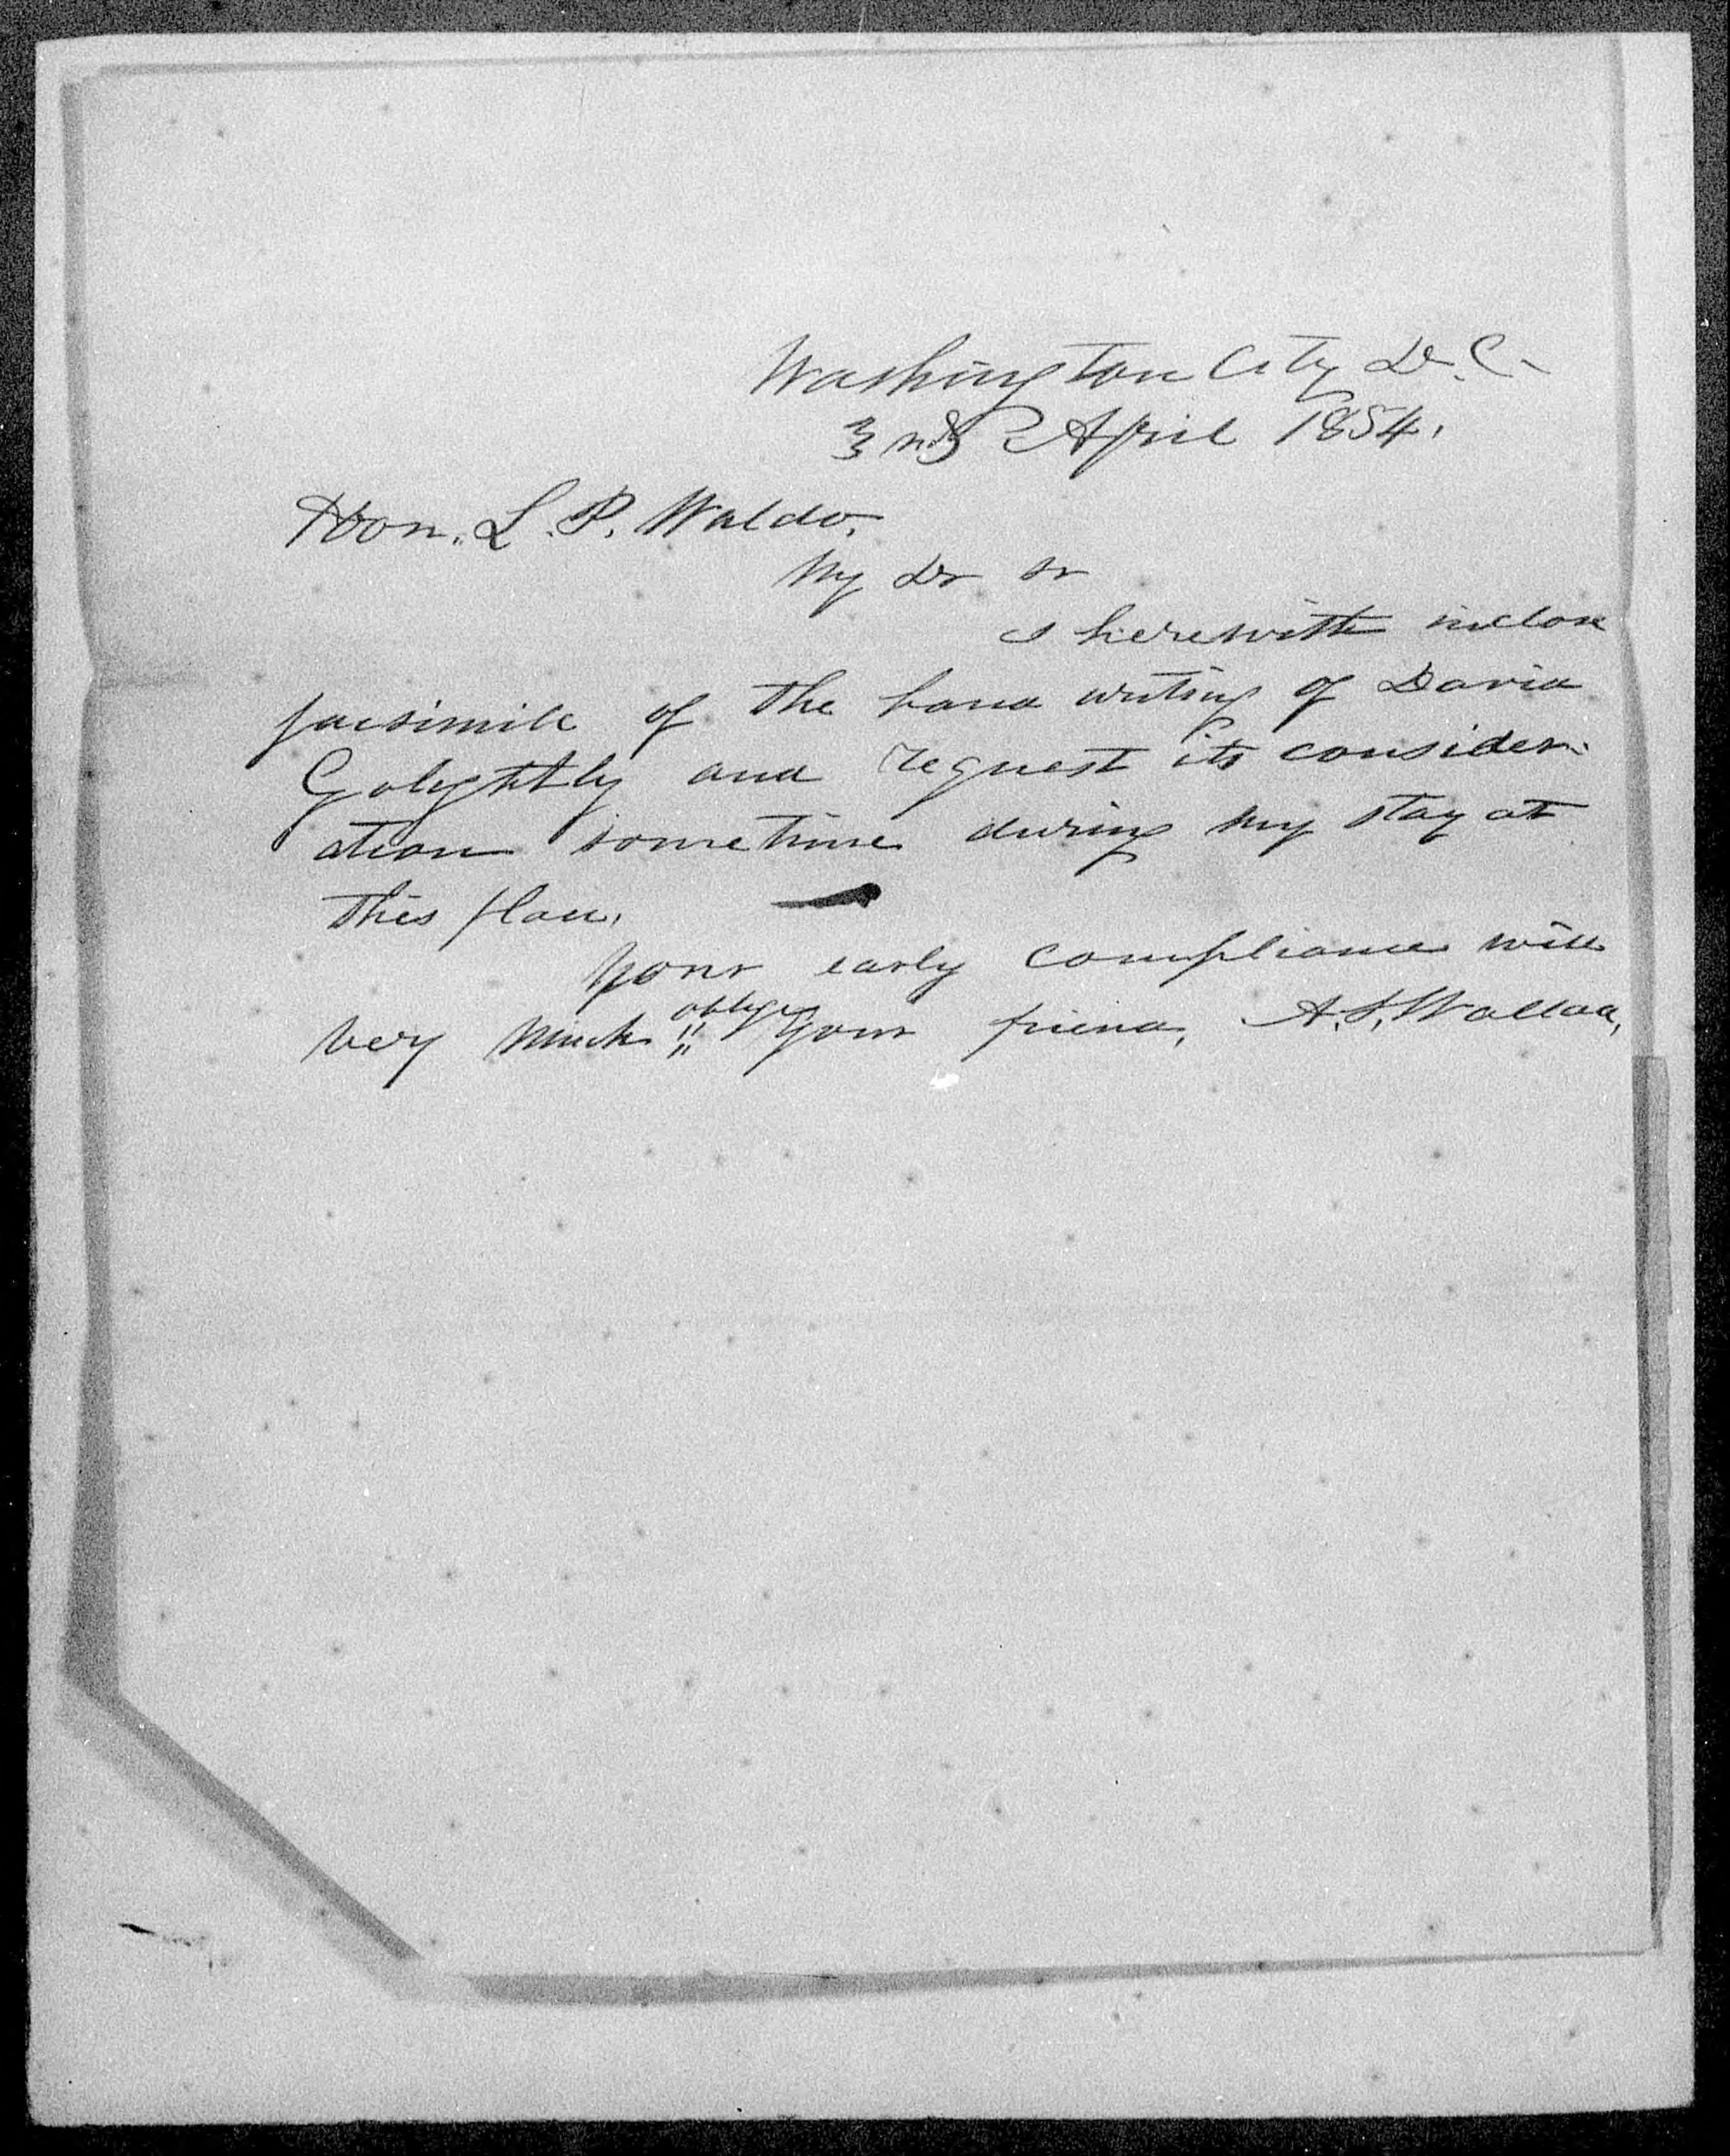Washington City, D.C.
3rd April 1854
Hon. L.P. Waldo

My dear sir

I herewith inclose facsimile of the hand writing of David Golightly and request its consideration sometime during my stay at this place.

Your early compliance will very much appreciated.

A.S. Wallace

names: L P Waldo, A S Wallace, David Golightly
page: 20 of 57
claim: survivor's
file: S. 18888, David Golightly, S.C.